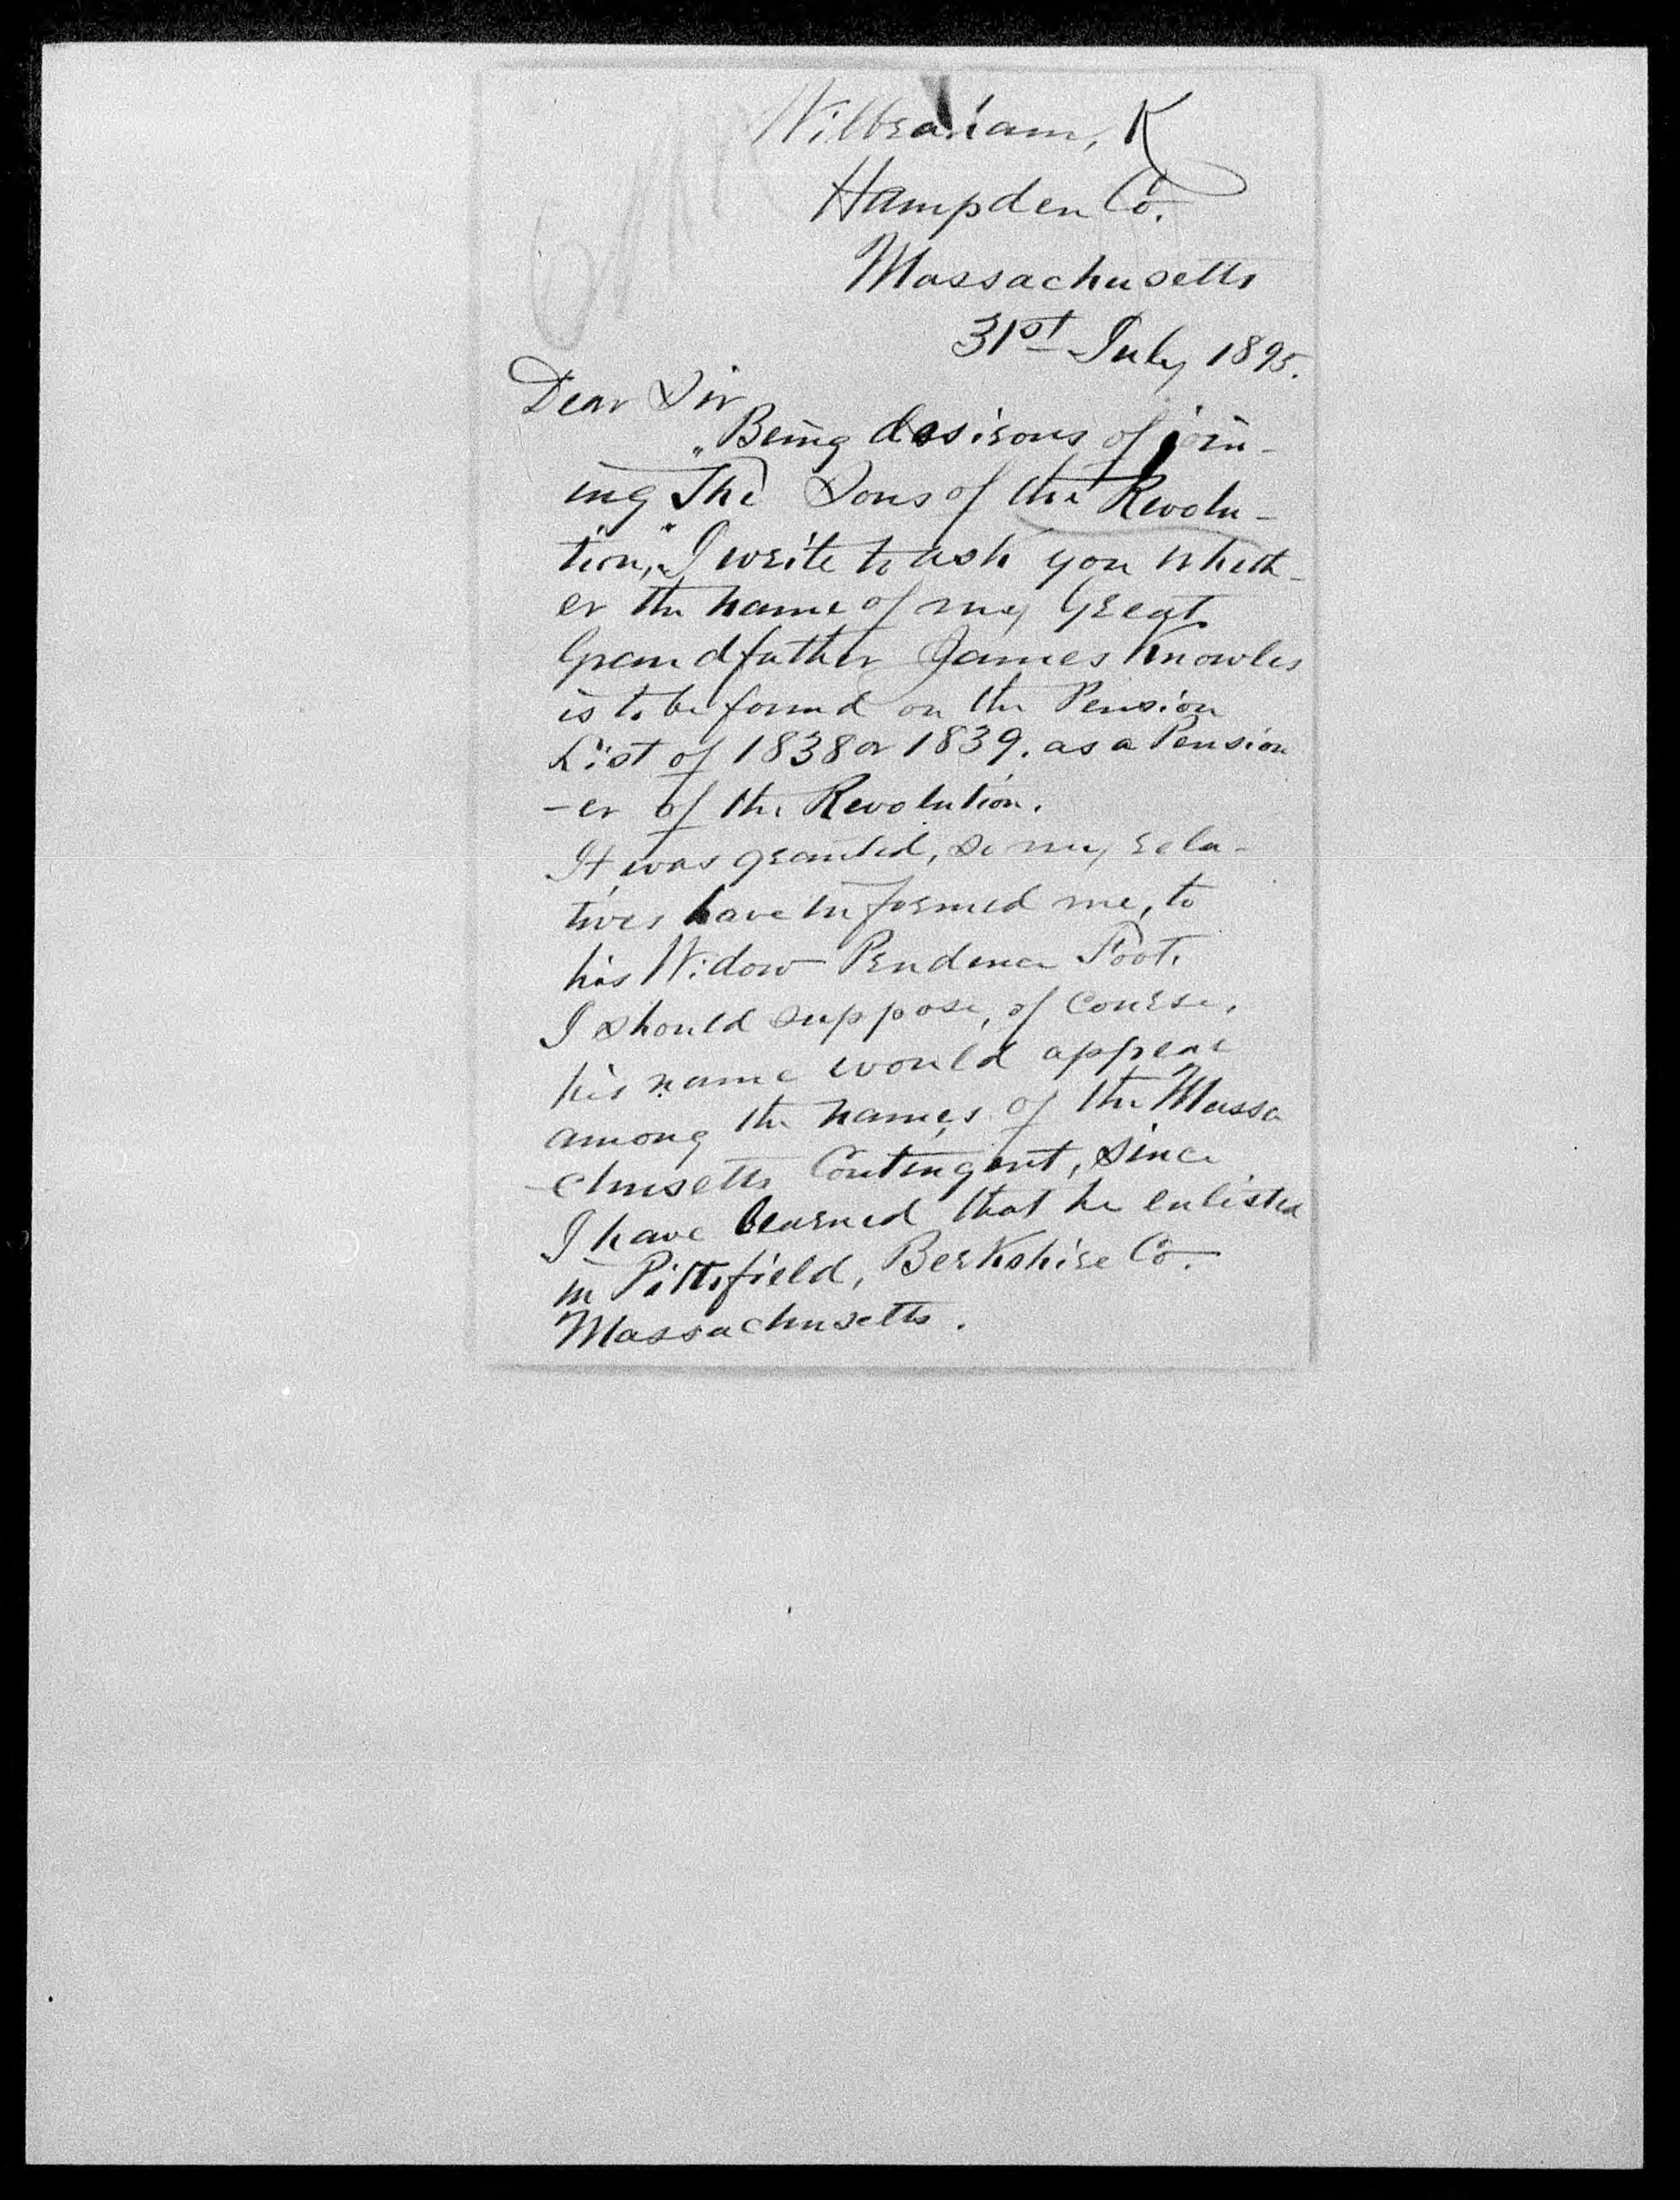Wilbraham K
Hampden Co.
Massachusetts
31st July 1895.

Dear Sir
Being desirous of joining "The Sons of the Revolution," I write to ask you whether the name of my Great Grandfather James Knowles is to be found on the Pension List of 1838 or 1839 as a Pensioner of the Revolution.
It was granted, so my relatives have informed me, to his Widow--Prudence Foot. I should suppose, of course, his name would appear among the names of the Massachusetts Contingent, since I have learned that he enlisted in Pittsfield, Berkshire Co. Massachusetts.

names: Prudence Foot; James Knowles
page: 55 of 60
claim: widow's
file: W. 14,036, for James Knowles, Connecticut